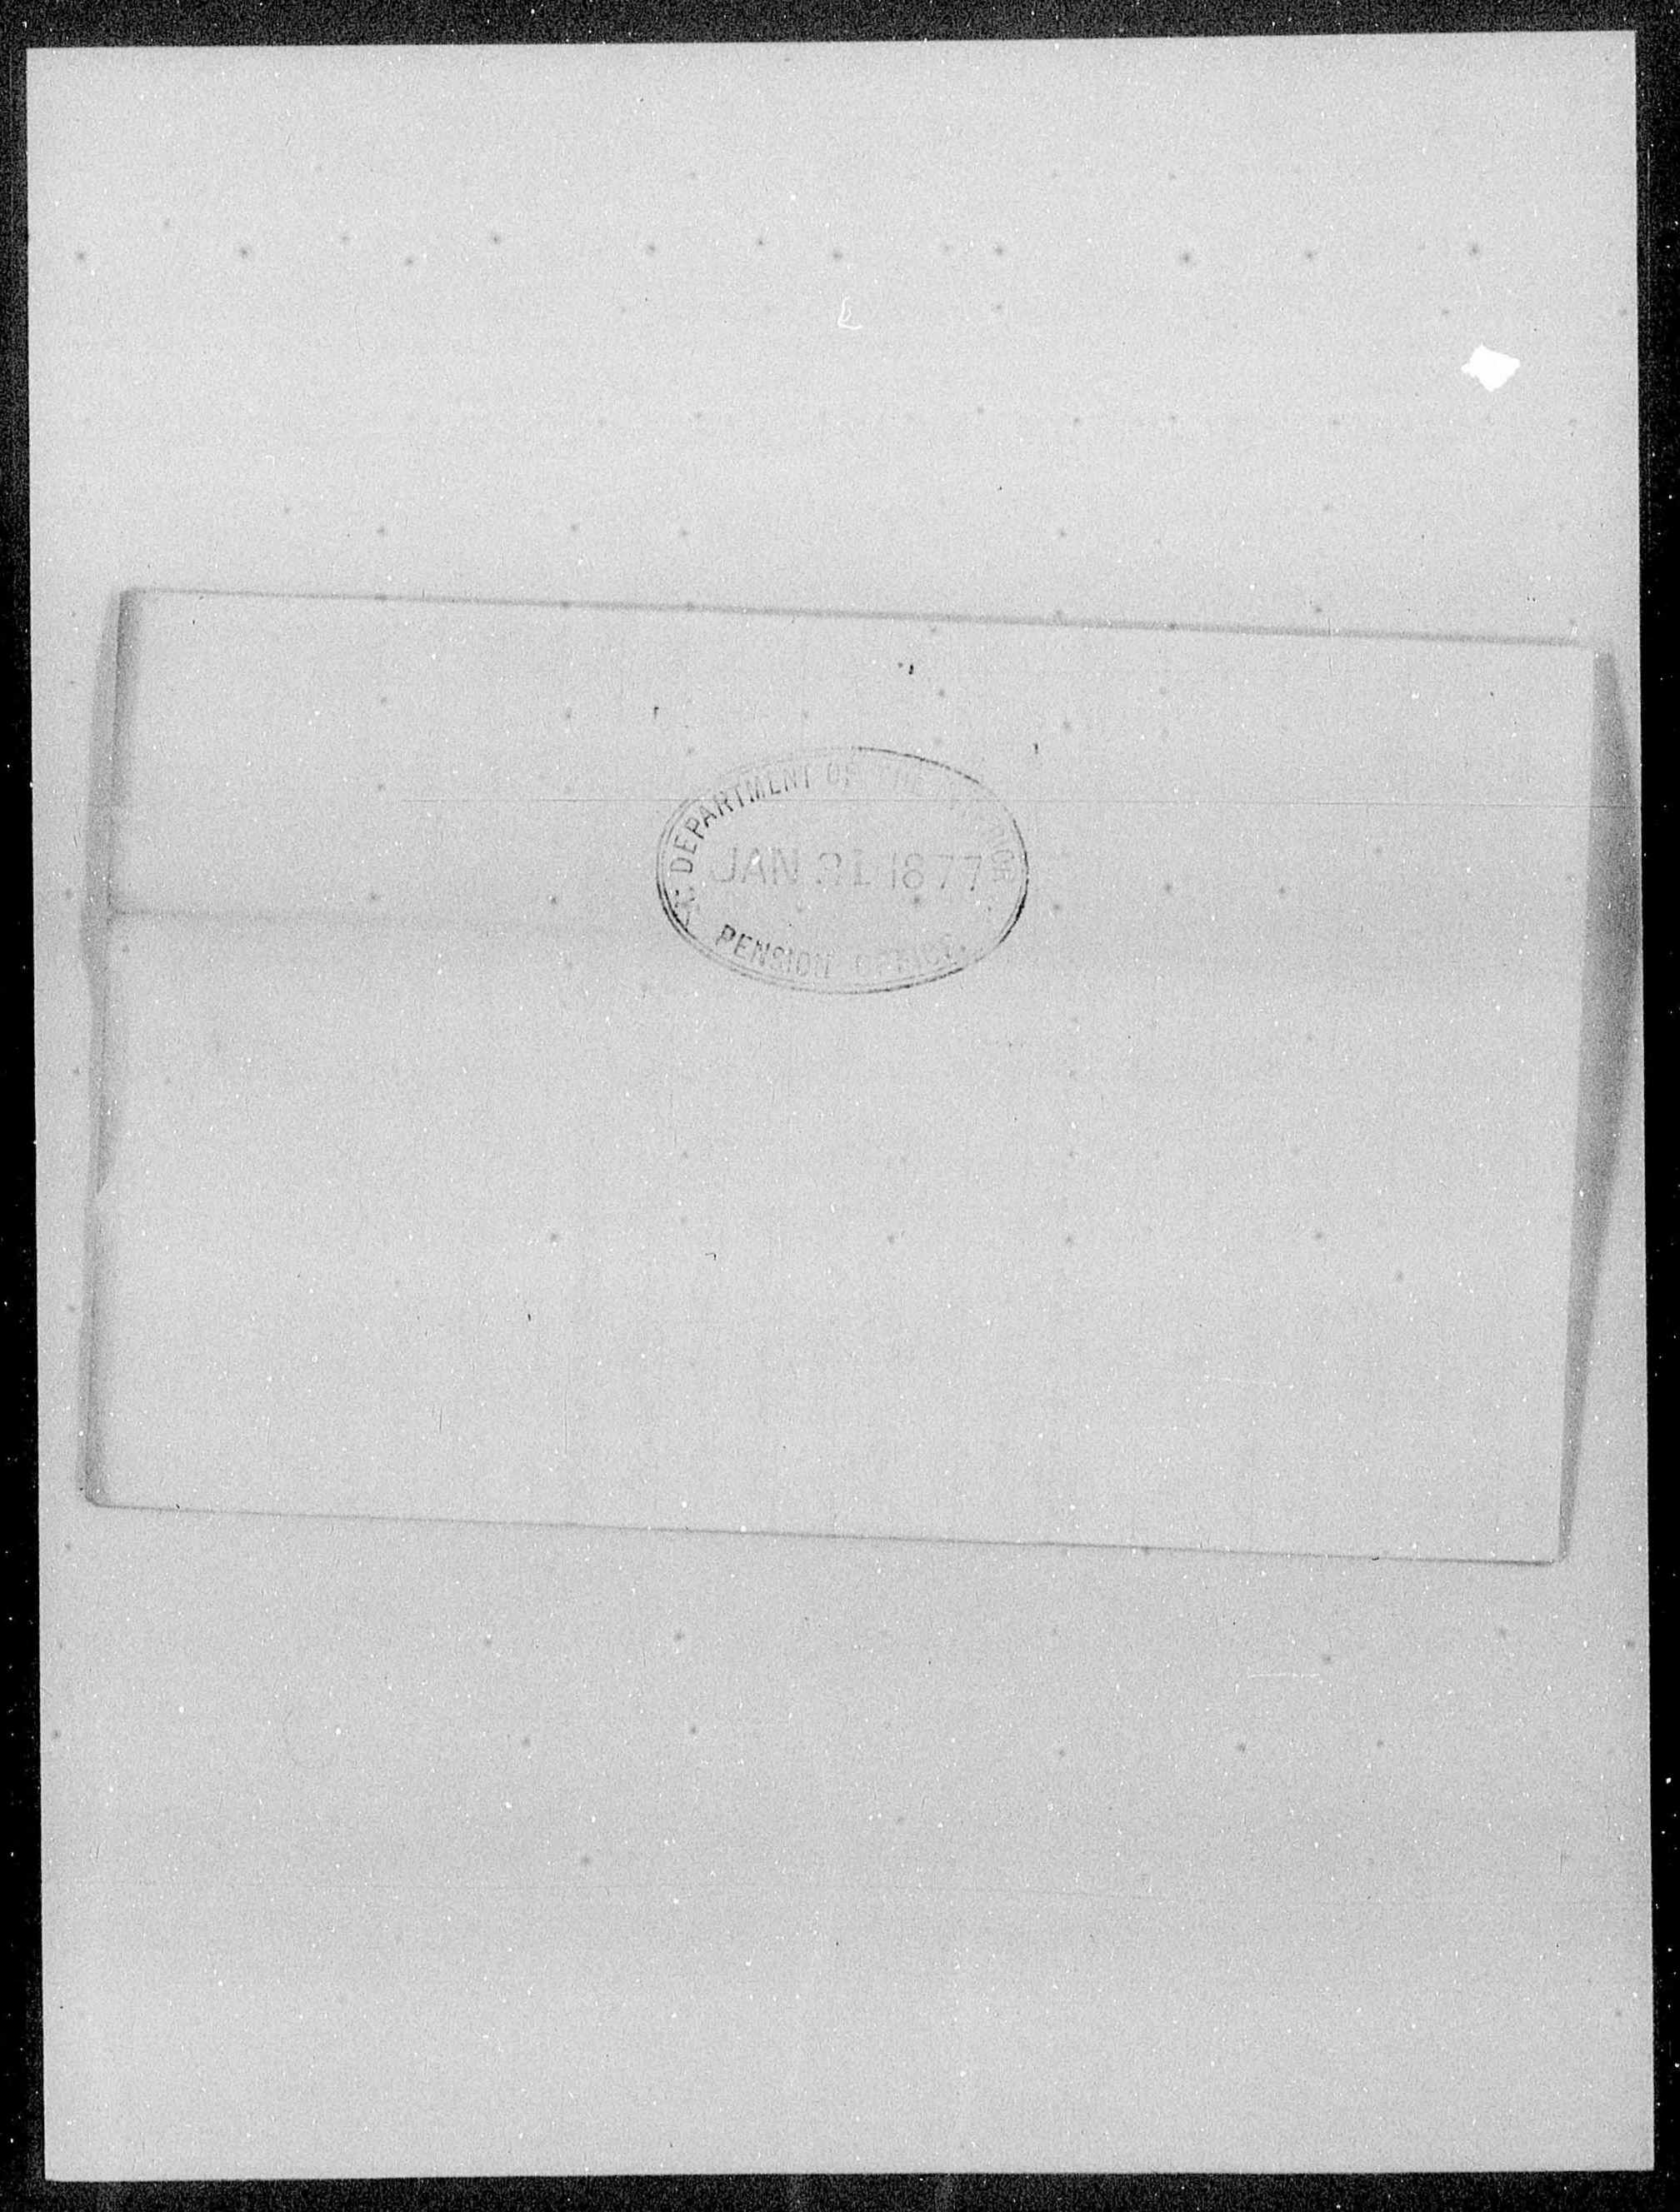[Stamp]
Department of the Interior
Jan 31, 1877
Pension Office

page: 16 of 23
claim: survivor's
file: S. 27257, for John Norcross, Pennsylvania